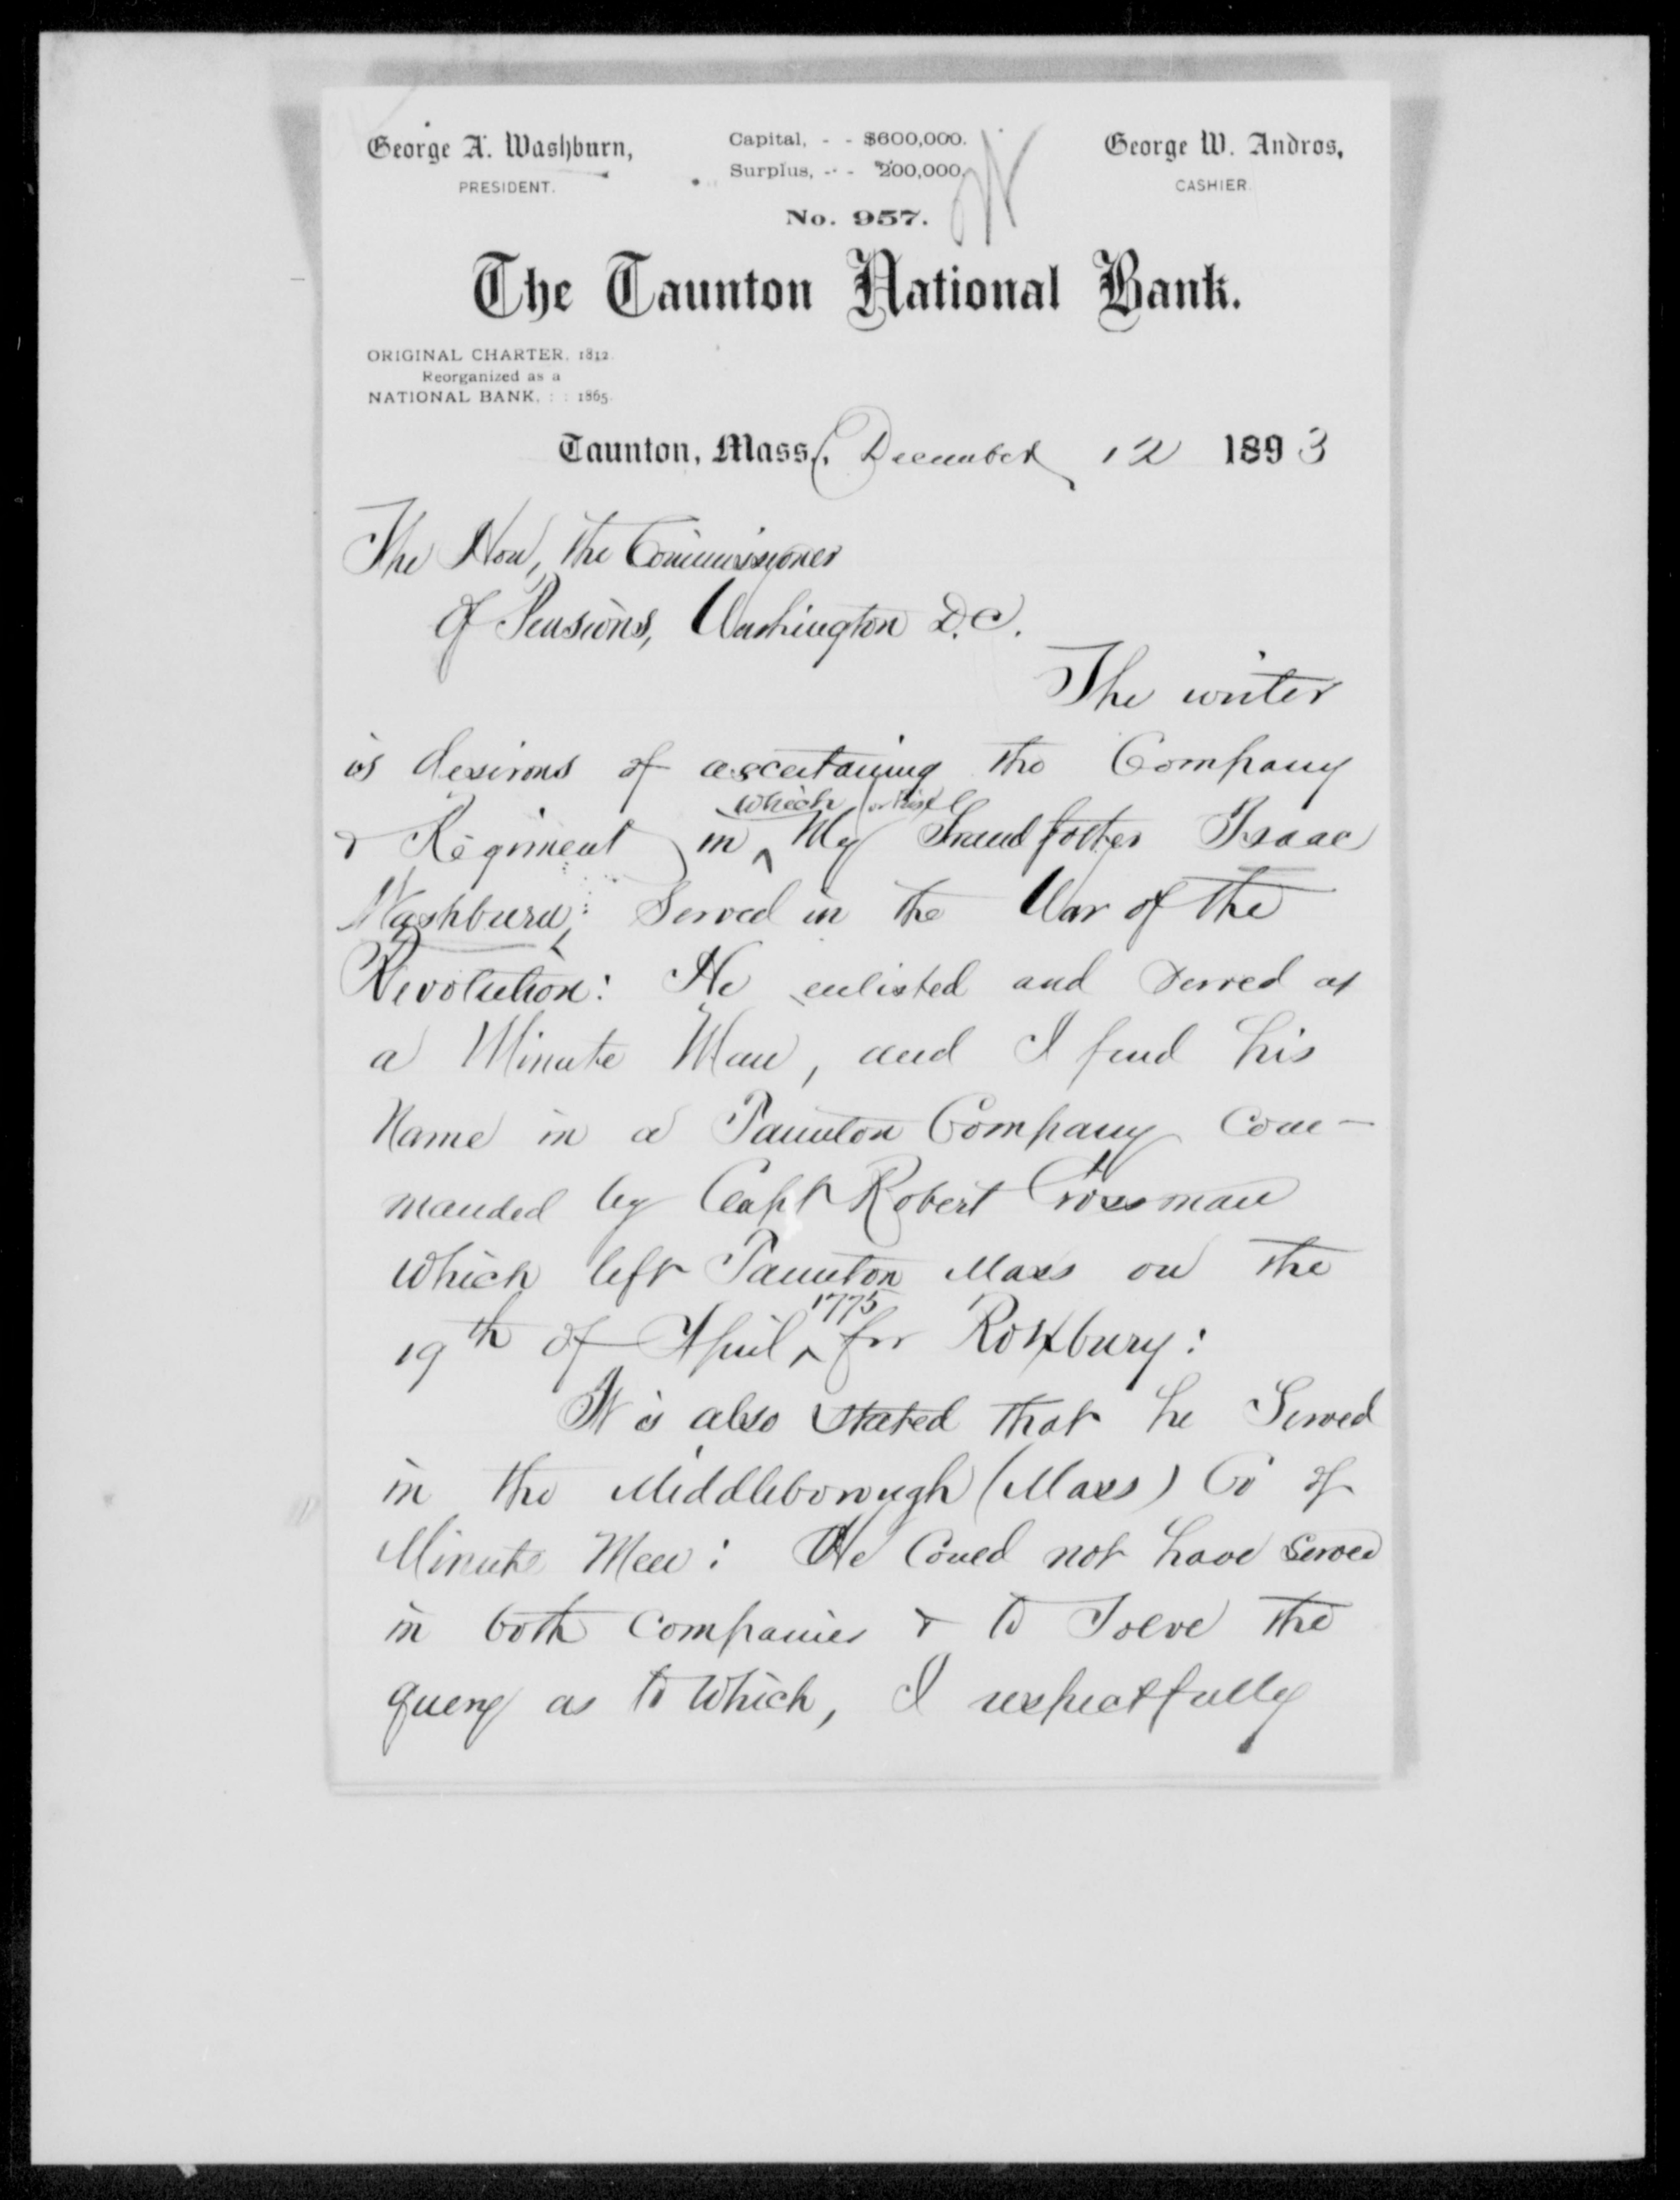George A. Washburn
      President 

Capital- - - $600,000.
Surplus- - -   200,000.

George W. Andros,
  Cashier

The Taunton National Bank.

Original Charter 1812
 Reorganized as a National Bank, : : 1865

  Taunton, Mass., December 12 1893

  The Hon, the Commissioner of Pensions,
    Washington D. C.

  The writer is desirous of ascertaining the Company & Regiment in which (or his) My Grandfather Isaac Washburn served in the War of the Revolution: He enlisted and served as a Minute Man, and I find his name in a Taunton Company commanded by Capt Robert Crossman which left Taunton Mass on the 19th of April 1775 for Roxbury:
  It is also stated that he served in the Middleborugh (Mass) Co of Minute Men: He could not have served in both companies & to solve the query as to which, I respectfully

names: Isaac Washburn, George A Washburn, George W Andros, Robert Crossman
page: 22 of 34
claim: widow's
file: W. 1677, Isaac Washburn, Mass.